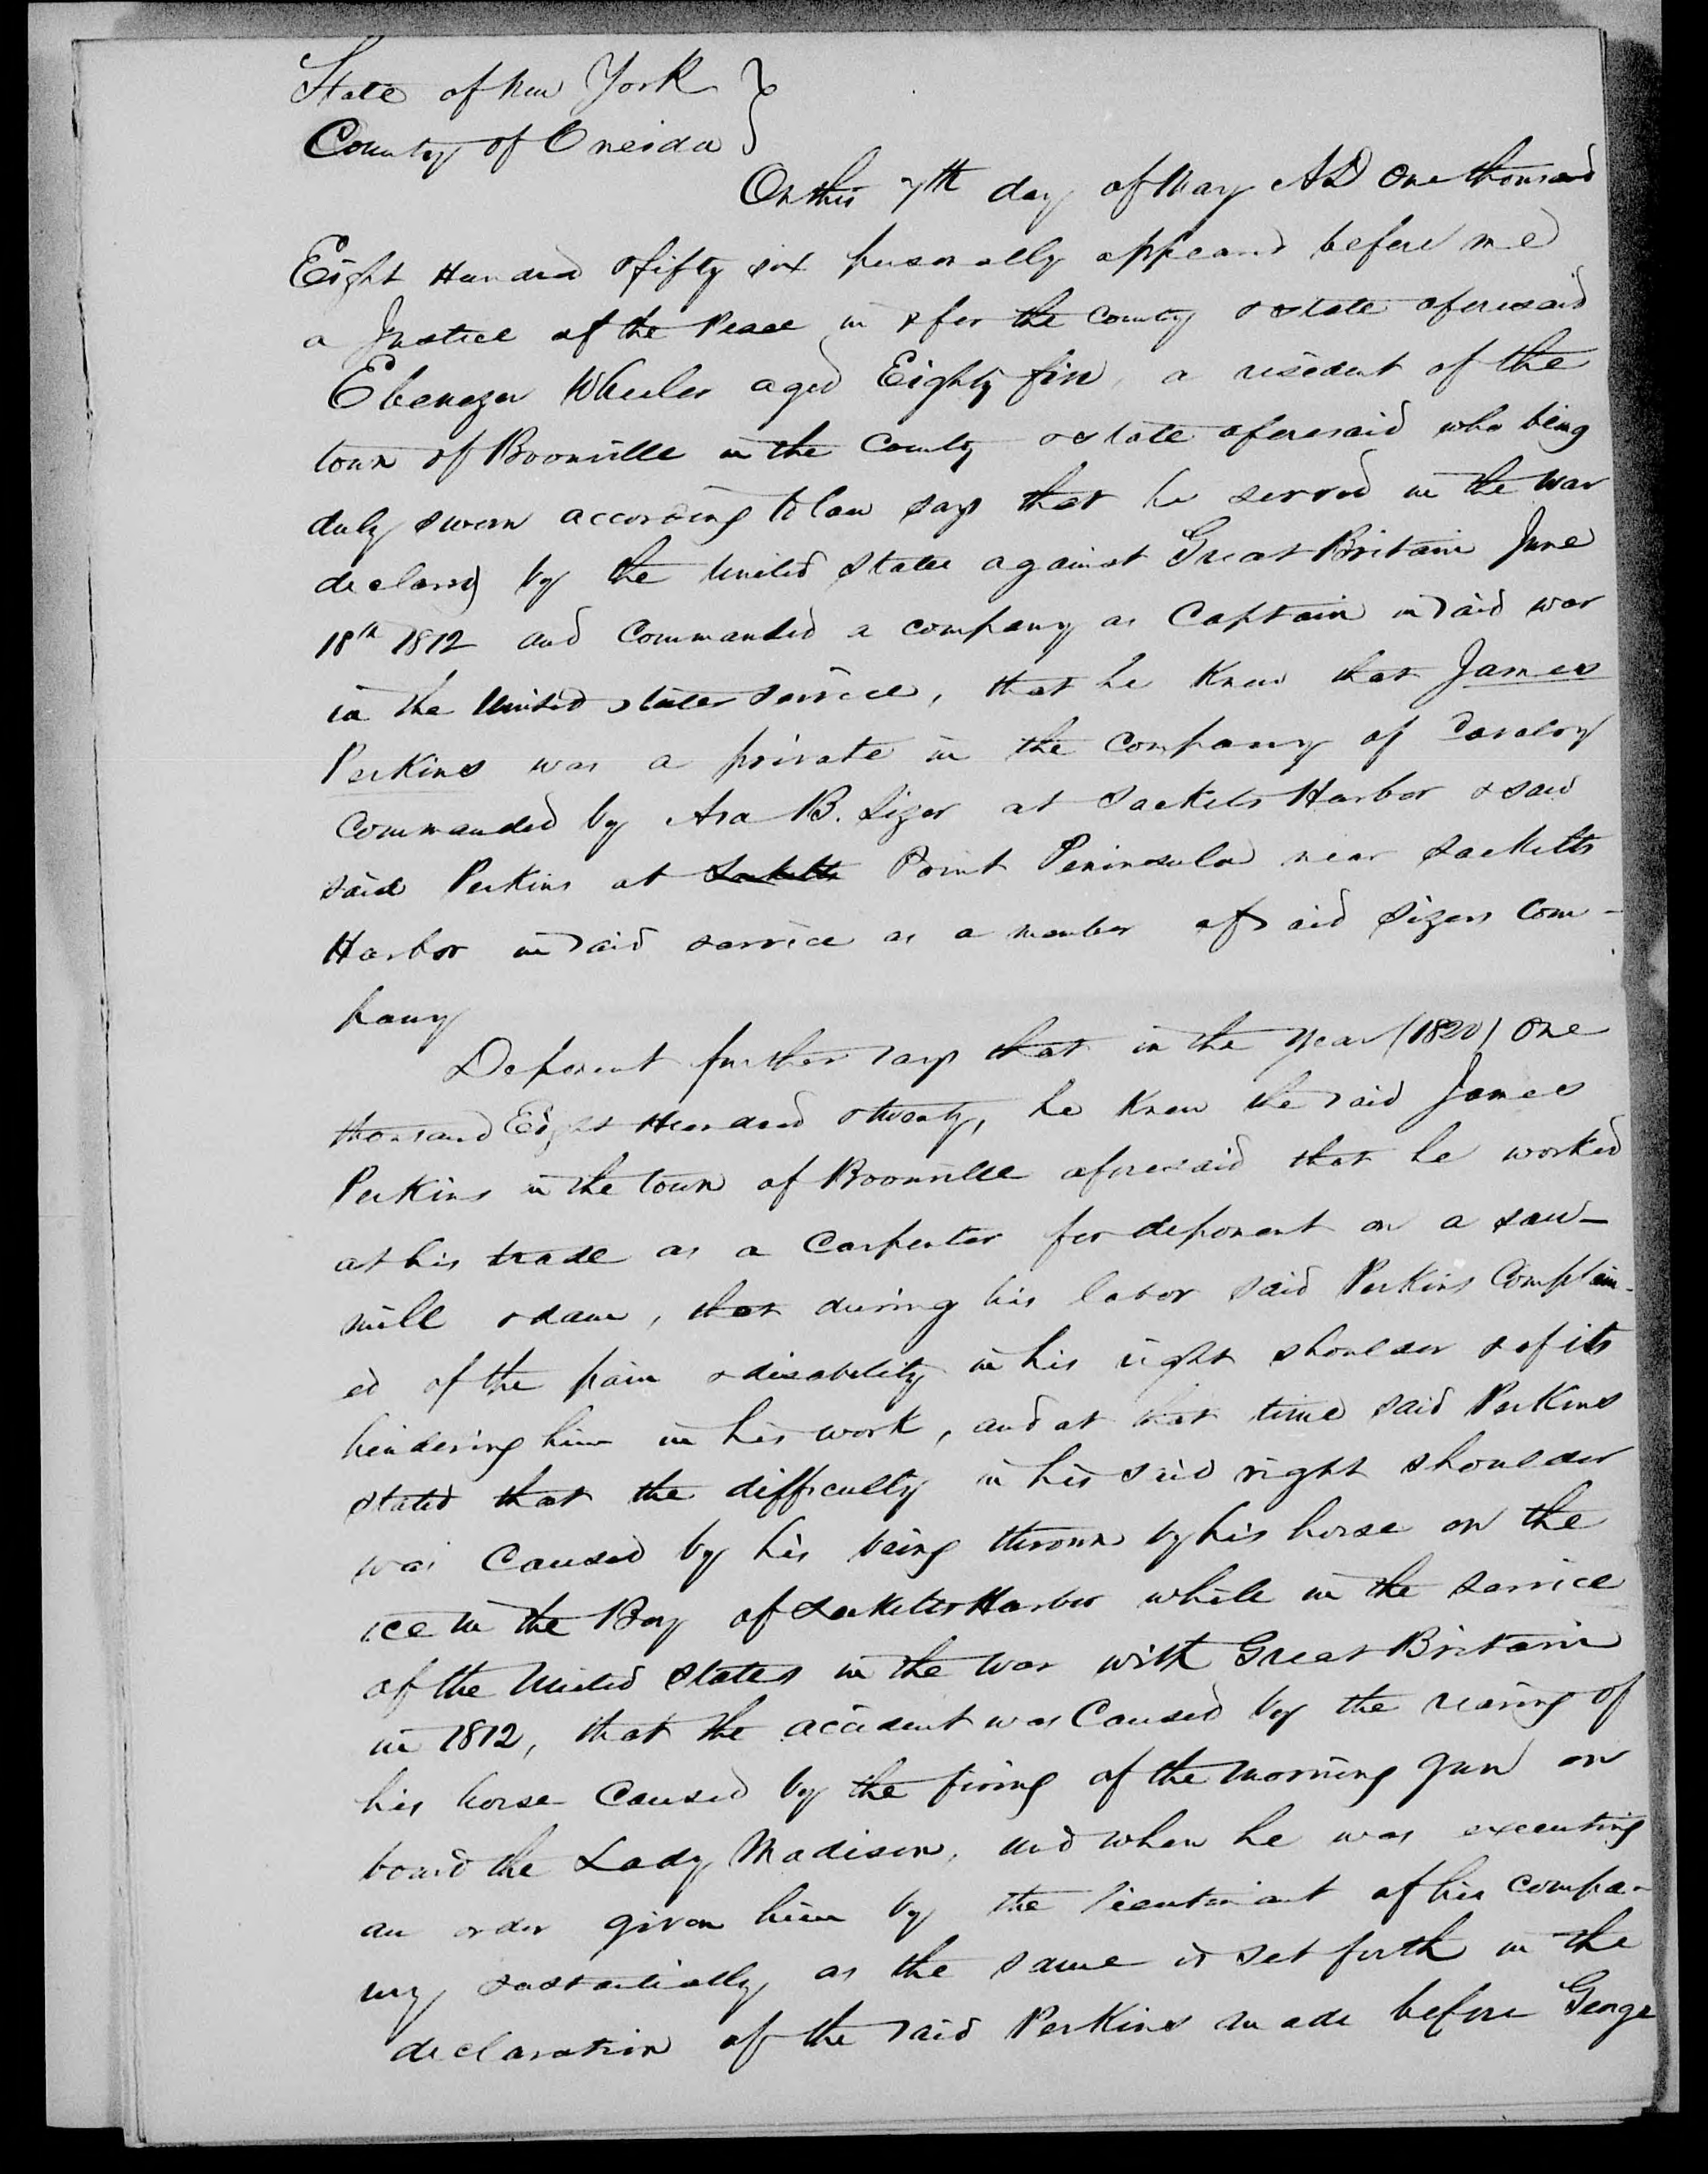State of New York 
County of Oneida }
On this 7th day of May AD one thousand Eight Hundred & fifty six personally appeared before me a Justice of the Peace in & for the County & State aforesaid Ebenezer Wheeler aged Eighty five, a resident of the town of Boonville in the county & state aforesaid who being duly sworn according to law says that he served in the war declared by the United States against Great Britain June 18th 1812 and commanded a company as Captain in said war in the United States service, that he knew that James Perkins was a private in the company of Cavalry commanded by Asa B. Sizer at Sackets Harbor & saw said Perkins at Point Peninsula near Sacketts Harbor in said service as a member of said Sizers Company 
Deponent further says that in the year (1820) one thousand Eight Hundred & twenty, he knew the said James Perkins in the town of Boonville aforesaid that he worked at his trade as a carpenter for deponent on a sawmill & dam, that during his labor said Perkins complained of the pain & disability in his right shoulder & of its hindering him in his work, and at that time said Perkins stated that the difficulty in his said right shoulder was caused by his being thrown by his horse on the ice in the Bay of Sackets Harbor while in the service of the United States in the war with Great Britain in 1812, that the accident was caused by the rearing of his horse caused by the firing of the morning gun on board the Lady Madison, and when he was executing an order given him by the Lieutenant of his company substantially as the same is set forth in the declaration of the said Perkins made before George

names: Asa B Sizer; George [BLANK]; James Perkins; Ebenezer Wheeler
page: 9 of 44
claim: rejected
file: R. 17,033, for Joseph Perkins, New York